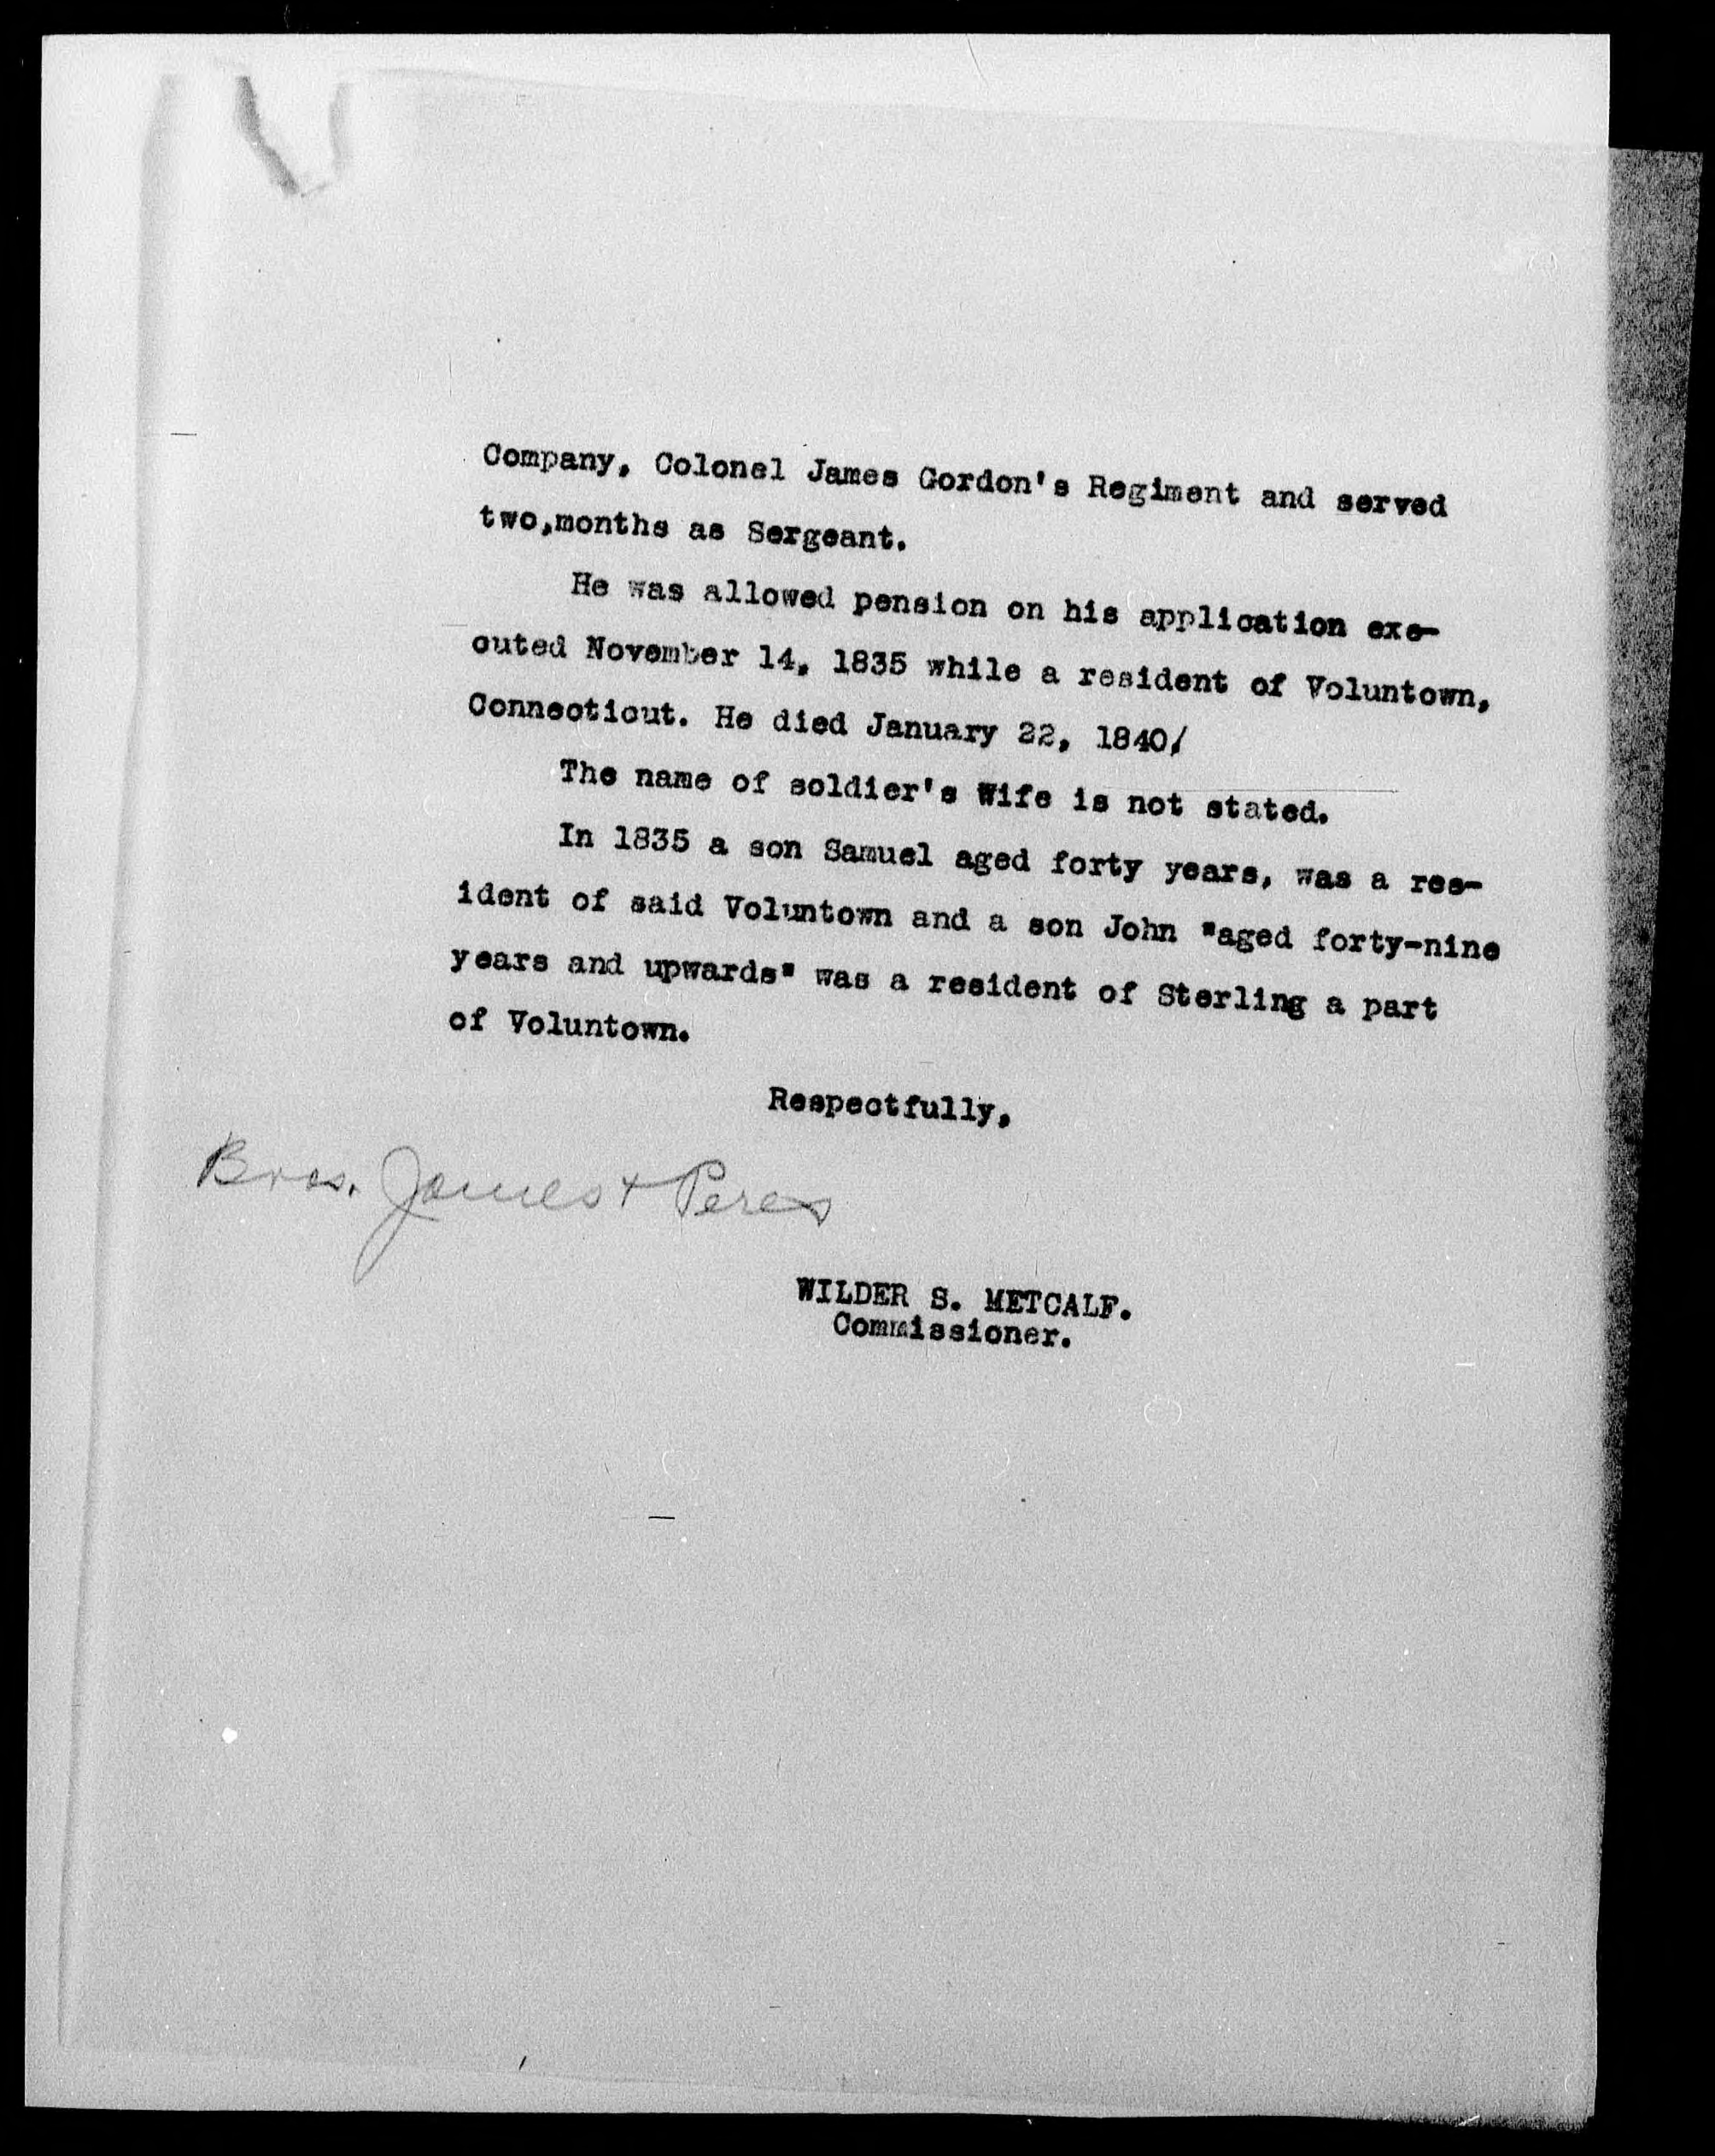Company, Colonel James Gordon's Regiment and served two ,months as Sergeant. 
He was allowed pension on his application executed November 14, 1835 while a resident of Voluntown, Connecticut. He died January 22, 1840. 
The name of soldier's wife is not stated. 
In 1835 a son Samuel aged forty years, was a resident of said Voluntown and a son John "aged forty-nine years and upwards"" was a resident of Sterling a part of Voluntown. 

Respectfully, 
Bros. James & Peres [handwritten signature]

WILDER S. METCALF. 
Commissioner.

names: Samuel, Peres, John, Wilder S Metcalf, James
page: 11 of 37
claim: survivor's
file: S. 12,281, William Briggs, Conn.